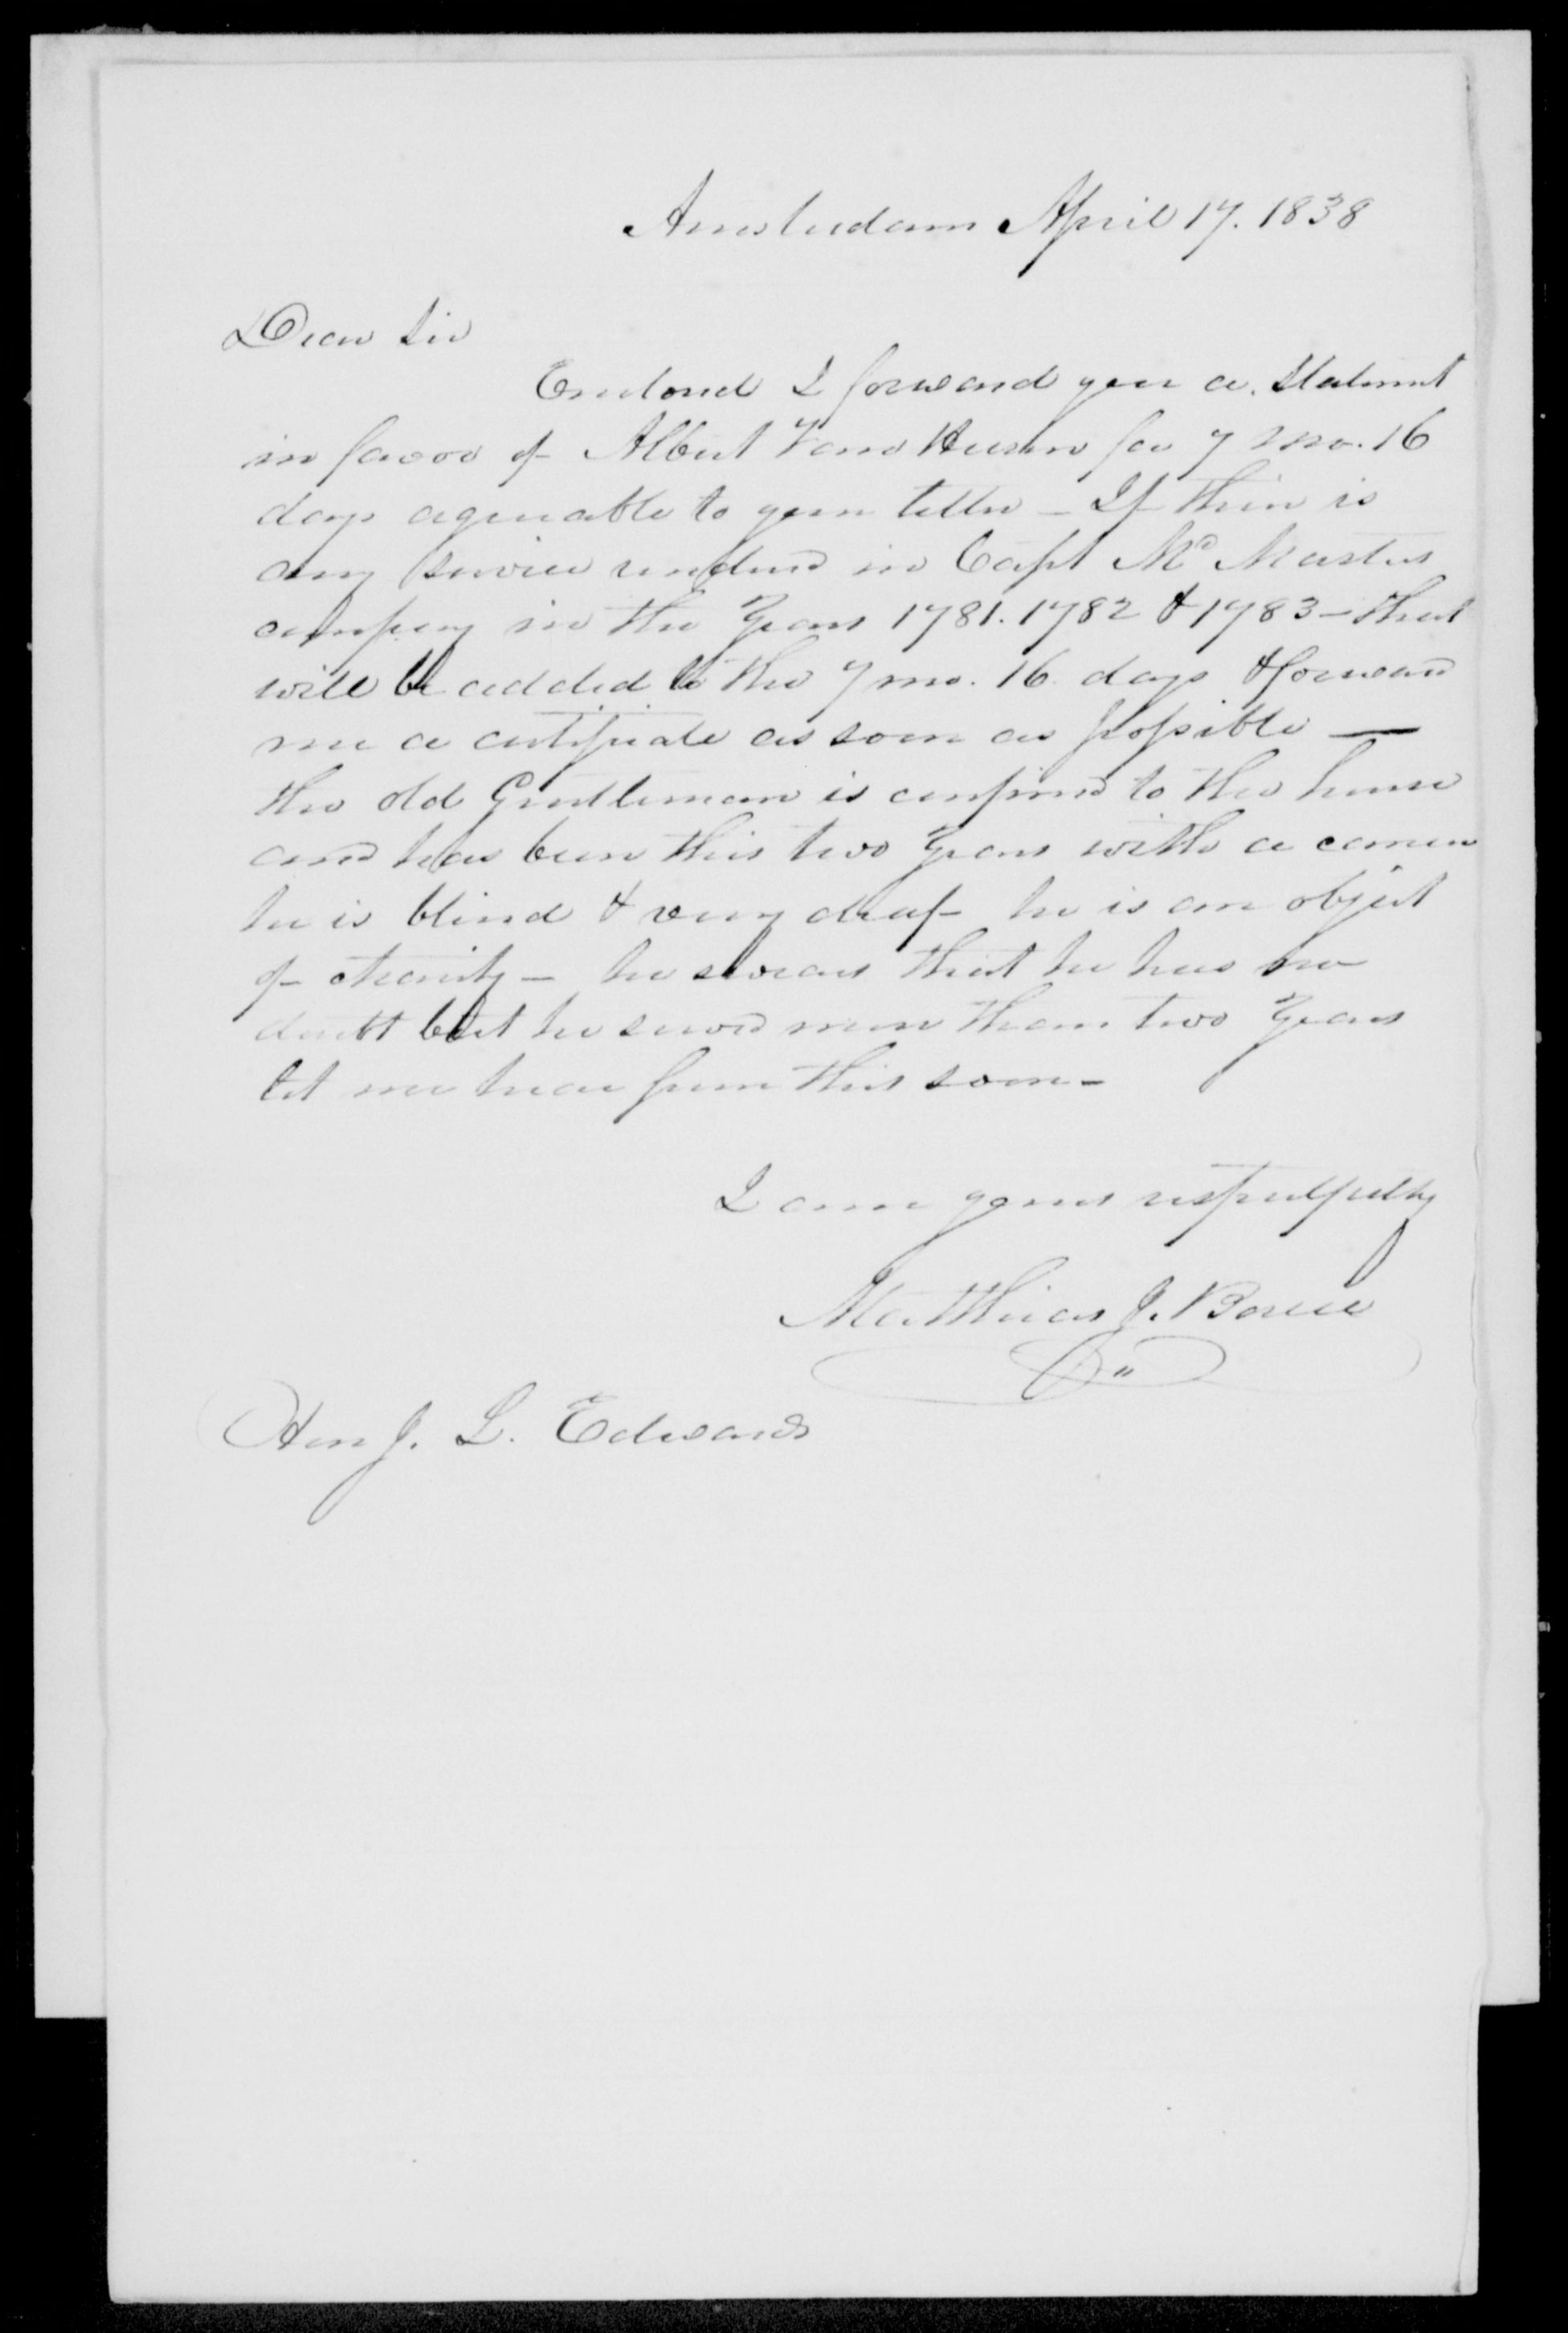Amsterdam April 17. 1838
Dear Sir
Enclosed I forward you a Statement in favor of Albert Van Husen for 7 mo. 16 days agreeable to your letter - If their is any service rendered in Capt McMasters company in the years 1781, 1782 & 1783 - that will be added to the 7 mo. 16 days & forward me a certificate as soon as possible the - old Gentleman is confined to the house and has been this two years with a cancer he is blind & very deaf - he is an object of [illegible] - he swears that he has no doubt but he served more than two years let me hear from this soon – 
I am yours respectfully 
[signed] Matthias J. Bovee

Hon J. L. Edwards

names: J L Edwards, Mathias J Bovee, Albert Van Husen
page: 46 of 57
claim: survivor's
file: S. 28,925, Albert Van Housen, New York